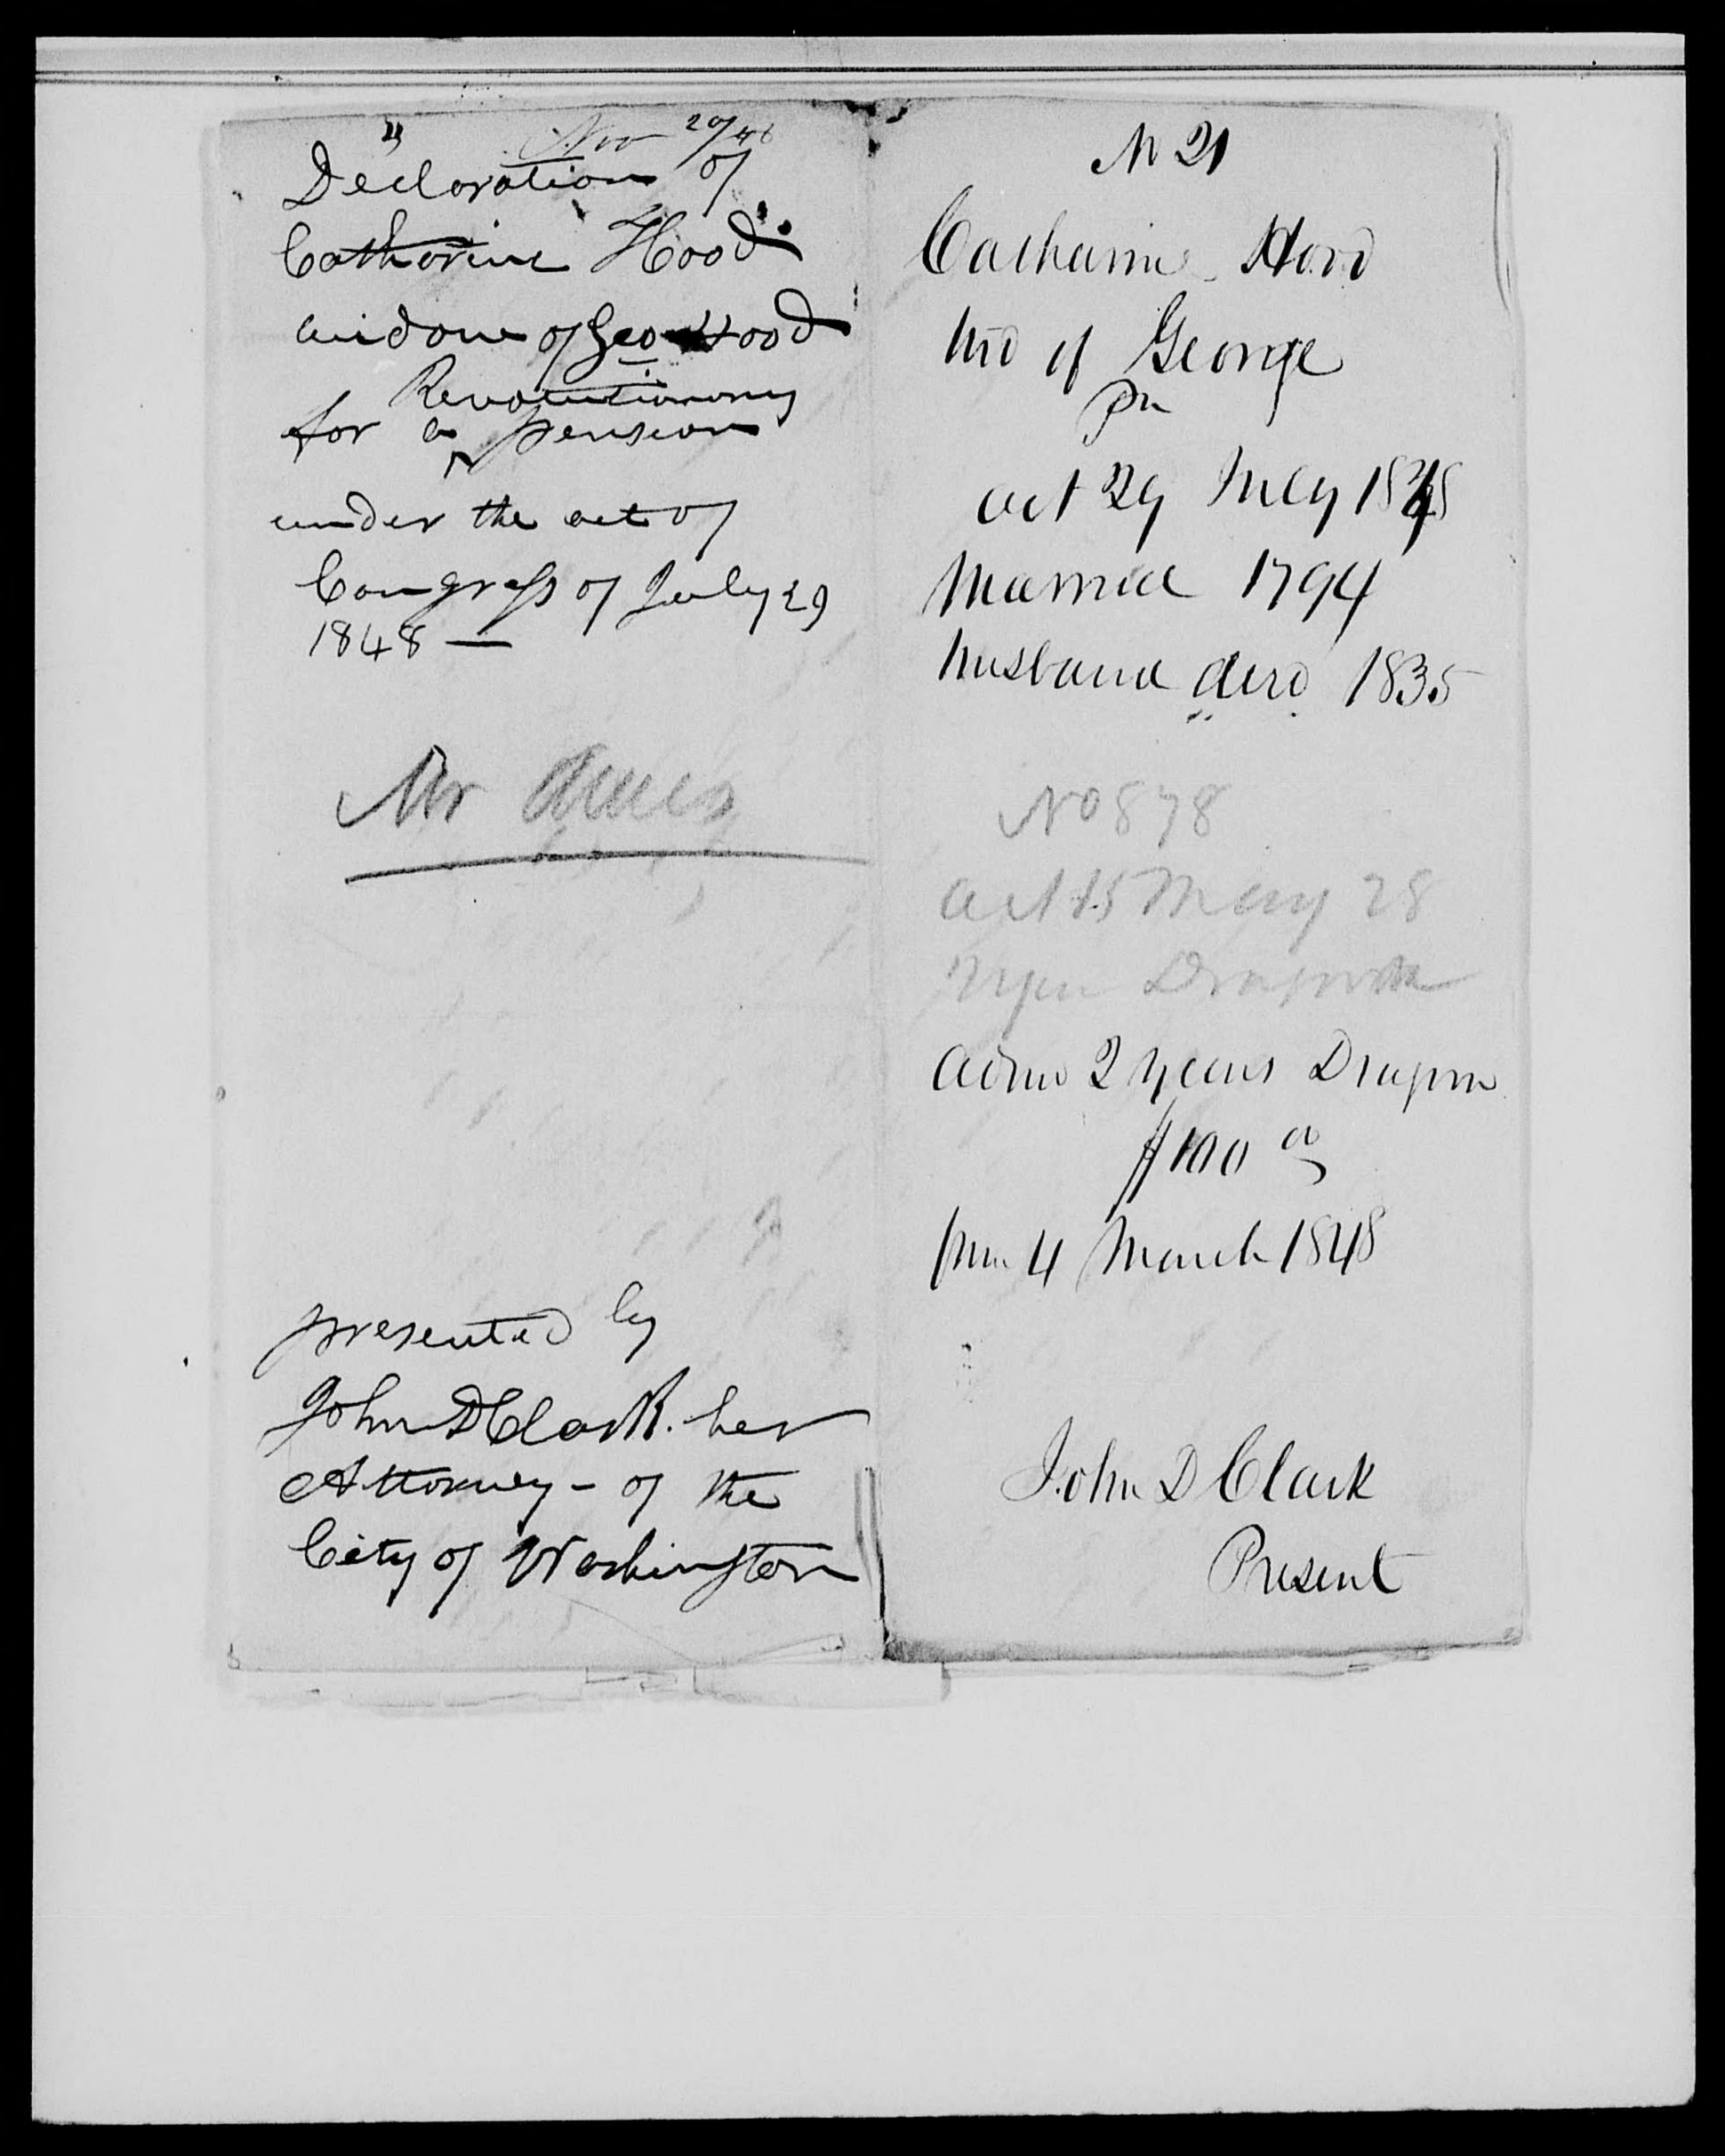Declaration of Catharine Hood, widow of George Hood Revolutionary, for a pension under the act of Congress of July 29, 1848
No Dues

No. 21
Catharine Hood, widow of George Hood PA
Act 29 July 1848
Married 1794
Husband died 1835

No. 878
[Illegible]
2 years Dragoon
$100.00
4 March 1848

John D. Clark
Present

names: John D Clark, Geo Hood, Ames, Catharine Hood, George Hood, Catharine Hood, John D Clark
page: 28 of 51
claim: widow's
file: W 8939, George Hood, Continental Va.